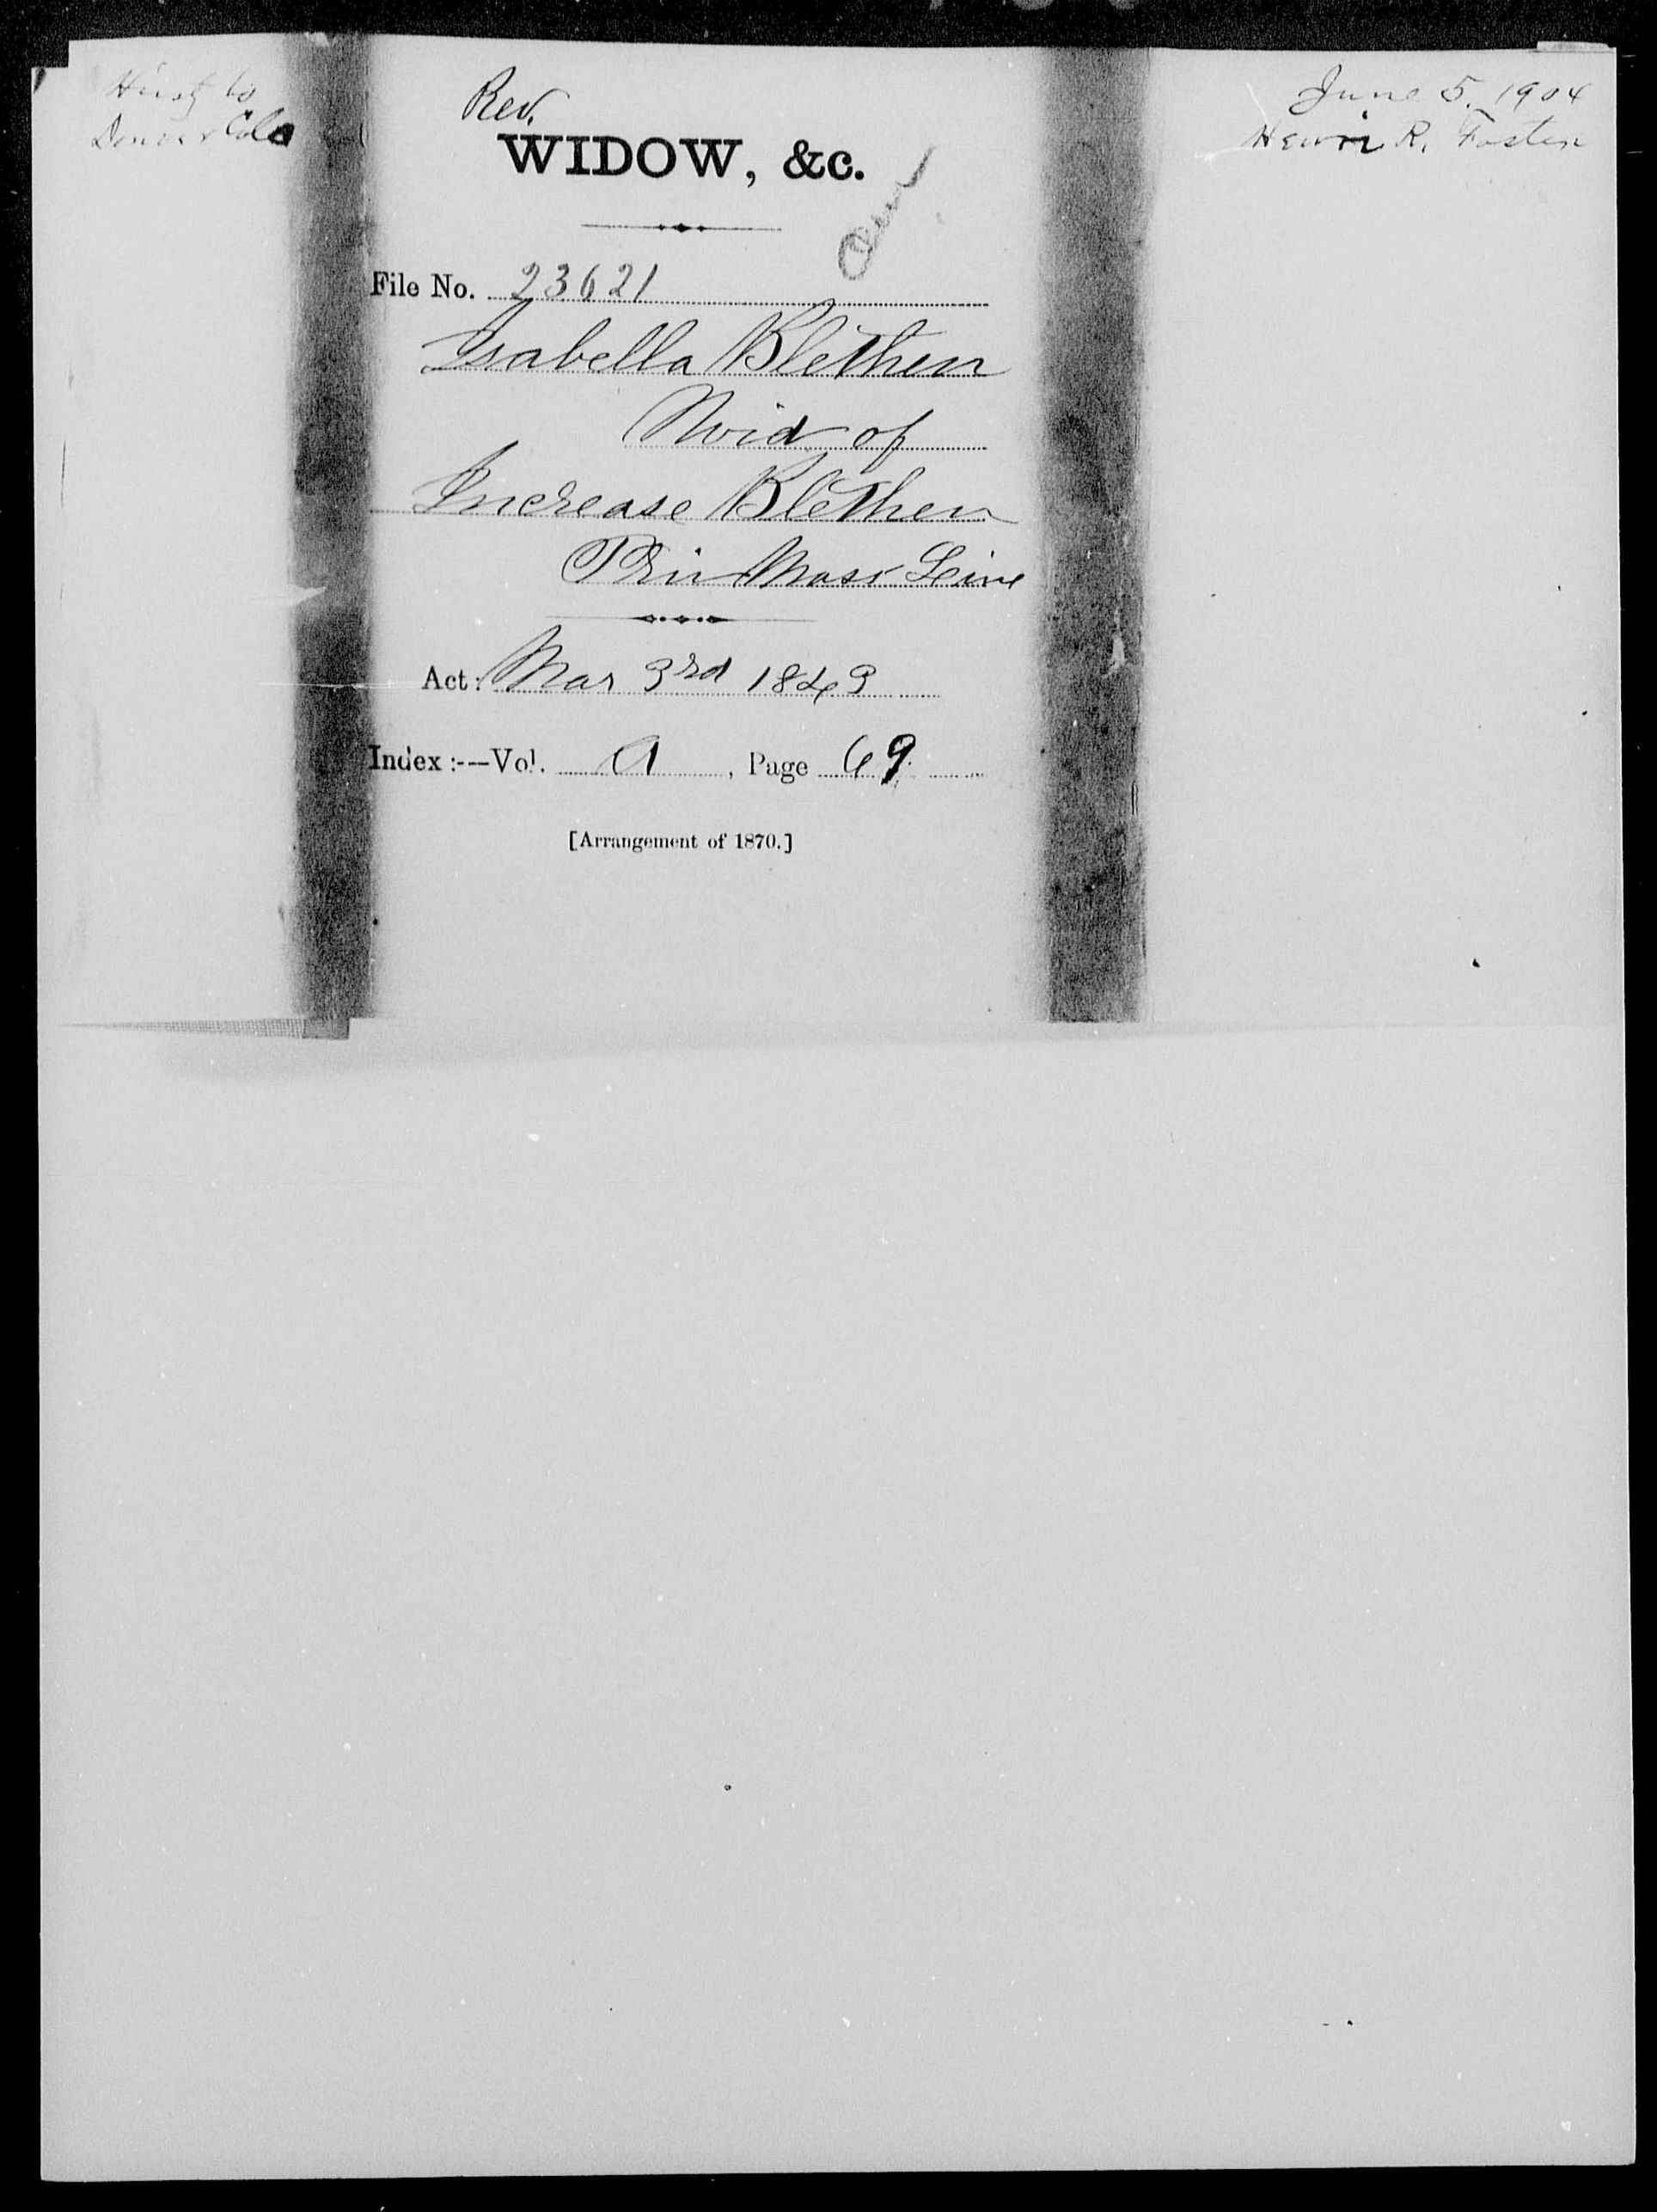[Left side of page] Hirst to
Denver Colo 

[Right side of page] June 5. 1904
Henri r. Foster

Rev.
Widow, &c.
File No. 23621   Om
Isabella Blethen
Wid of
Increase Blethen
Priv Mass Line
Act Mar 3rd 1849
Indes:--Vol. A, Page 69
[Arrangement of 1870]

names: Isabella Blethen, Increase Blethen, Henri R Foster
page: 18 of 39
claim: widow's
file: W. 23,621, Increase Blethen, Mass.